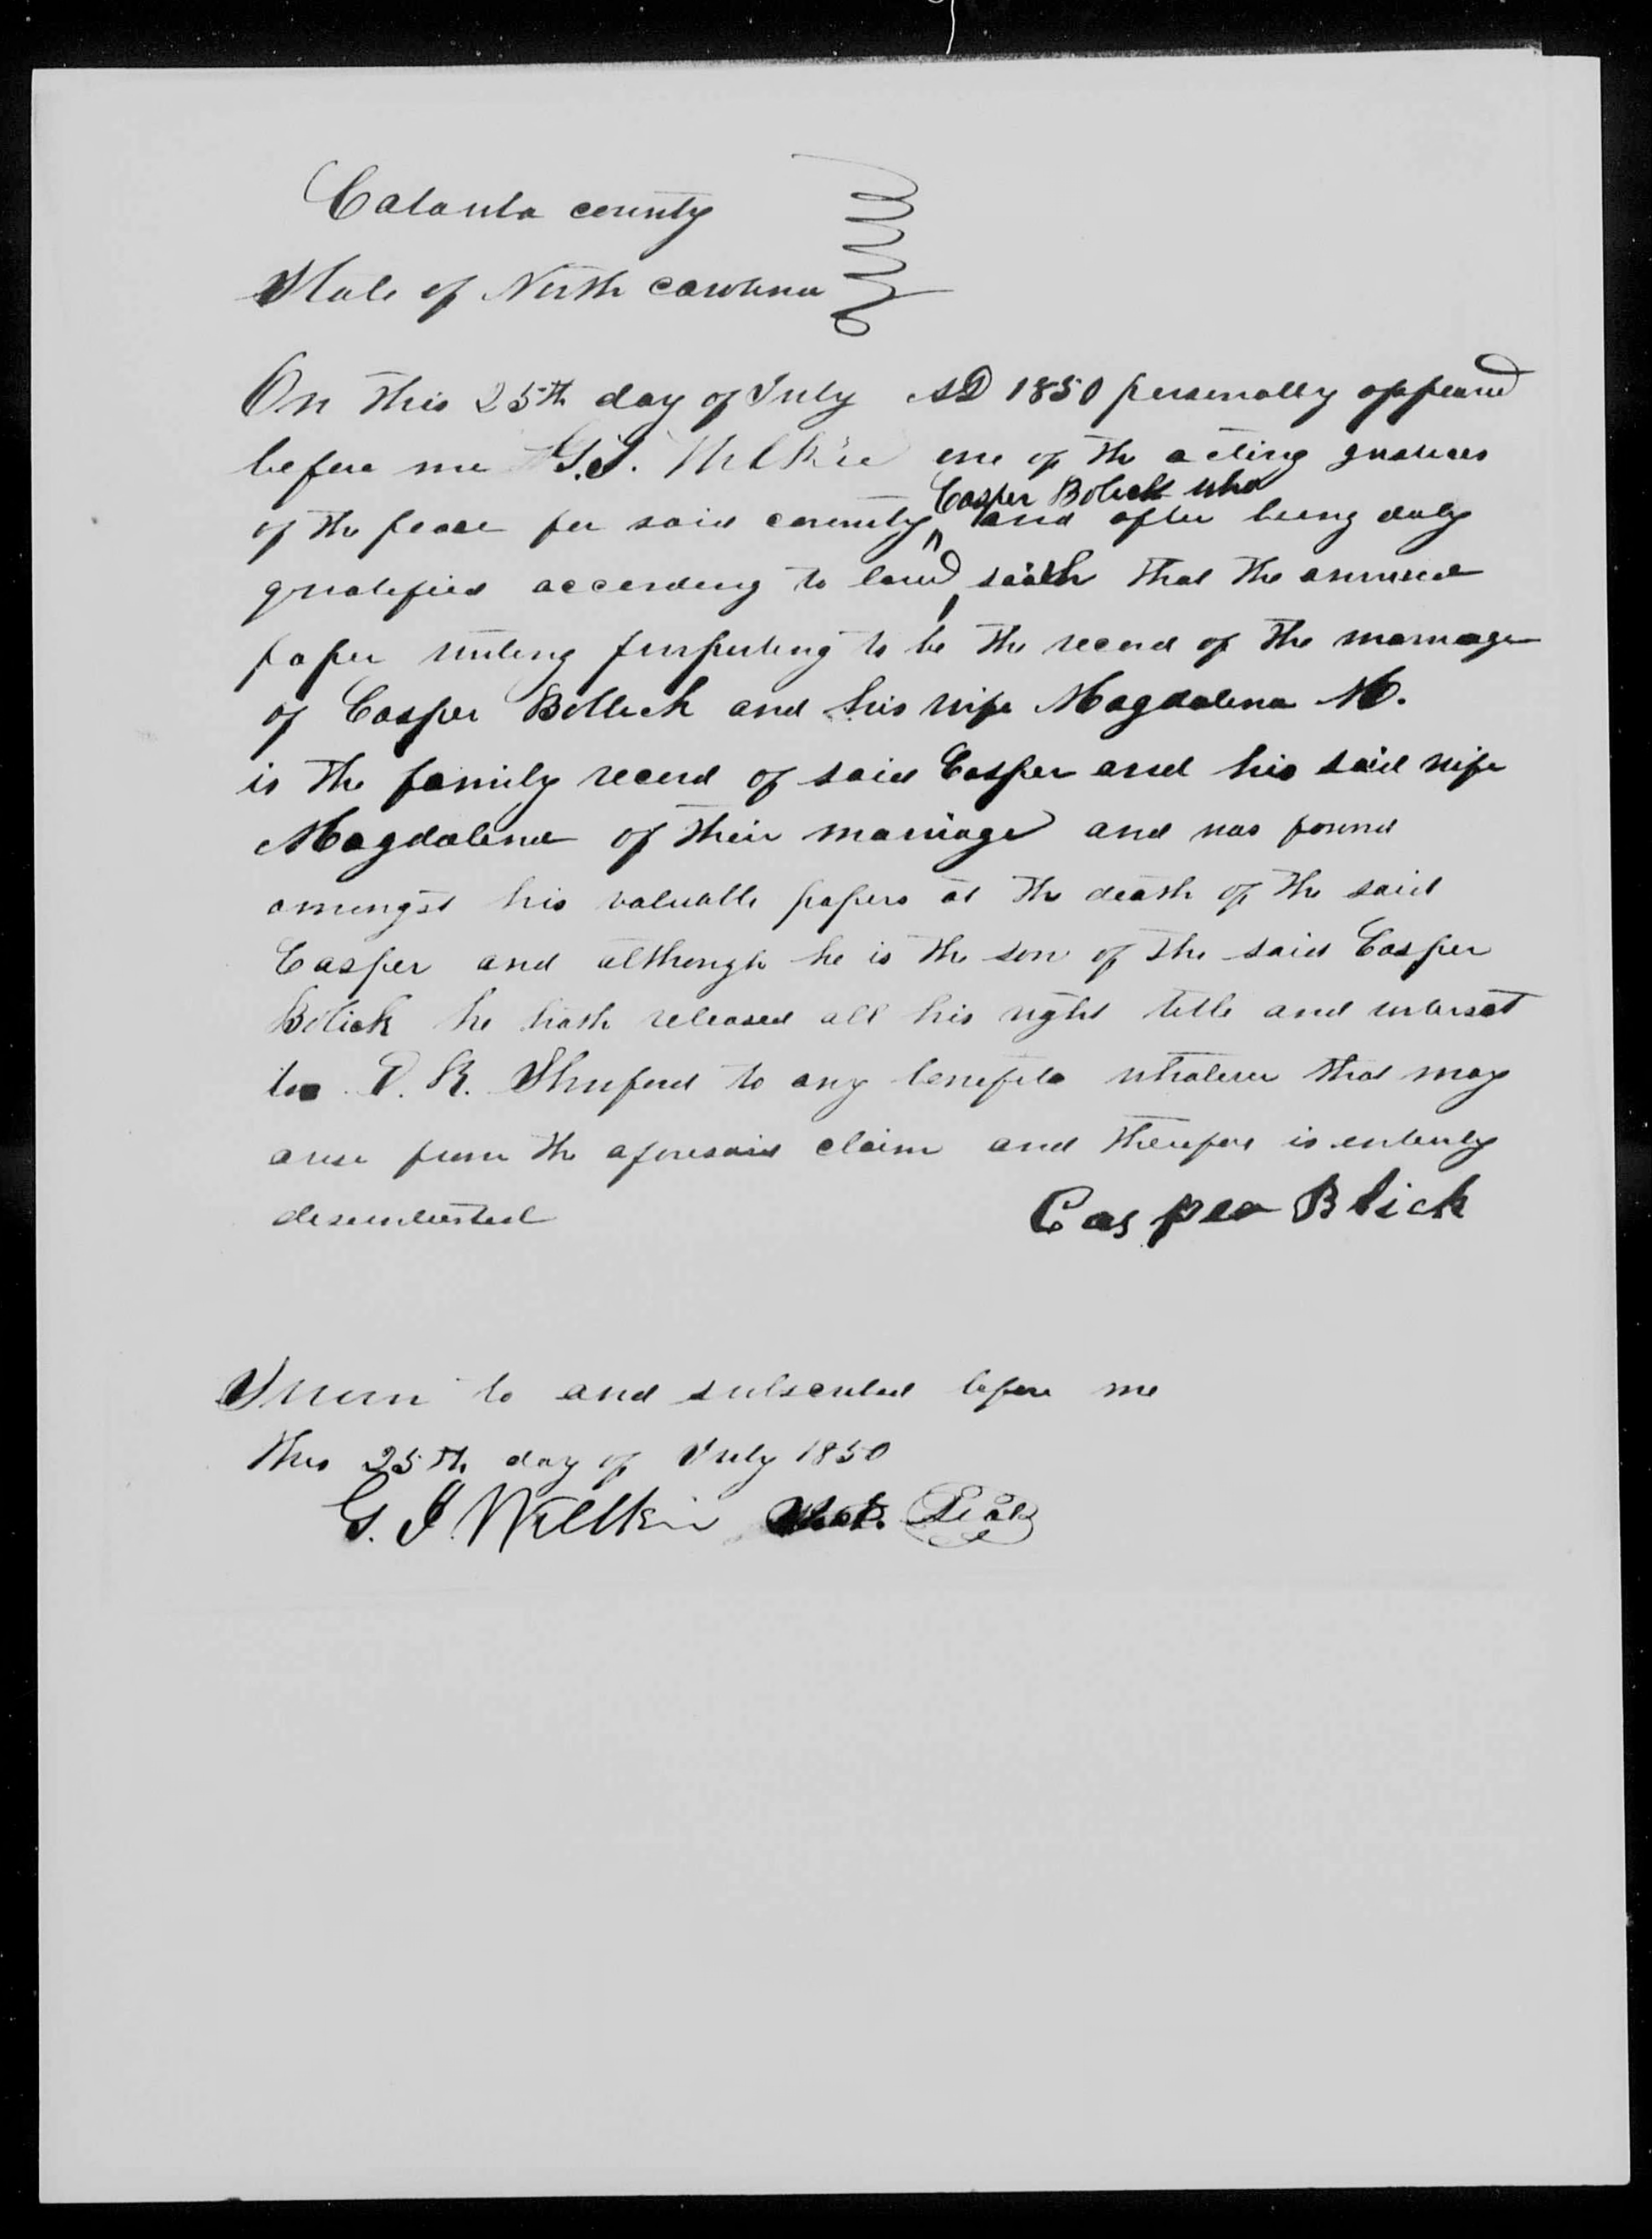Catawba County}
State of North Carolina}

On this 25th day of July A. D. 1850 personally appeared before me G. J. Wilkie one of the acting justices of the peace for said county, Caseper Bolick who after being duly qualified according to law with that the annexed paper writing purporting to be the record of the marriage of Casper Bollick and his wife Magdalina N.C. is the family record of said Casper and his said wife Magdalena of their marriage and was found amongst his valuable papers at the death of the said Casper and although he is the son of the said Casper Bolick he hath released all his right title and interest to E. R. Shuford to any benefit whatever that may arise from the aforesaid claim and therefore is entirely disinerested.
[Signature] Casper Bolick

Sworn to and subscribed before me this 25th day of July 1850. [Signature] G. J. Wilkie J. P. [seal]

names: Casper Bollick, Casper, G J Wilkie, Casper Bolech, Casper, Casper Blick, Magdalena M, Magdalena, Casper Bolick, G J Willkie, E R Shuford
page: 30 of 43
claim: widow's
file: W. 18,566, Casper Bolick, N.C.